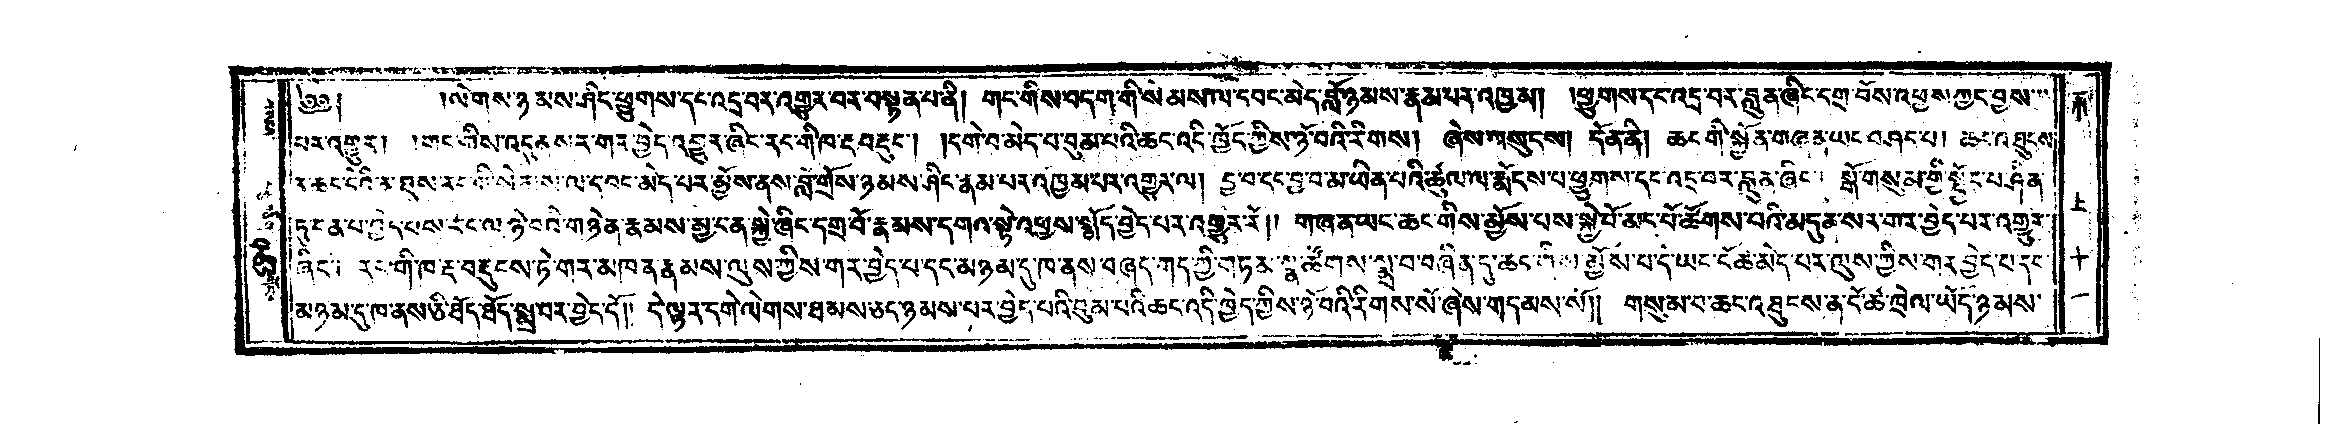༄༅། །ལེགས་ཉམས་ཤིང་ཕྱུགས་དང་འདྲ་བར་འགྱུར་བར་བསྟན་པ་ནི། གང་གིས་བདག་དི་སེམས་ལ་དབང་མེད་བློ་ཉམས་རྣམ་པར་འཁྱམ། །ཕྱུགས་དང་འདྲ་བར་བླུན་ཞིང་དགྲ་བོས་འཕྱས་ཀྱང་བྱས་
པར་འགྱུར། །གང་གིས་འདུན་སར་གར་བྱེད་འགྱུར་ཞིང་རང་གི་ཁ་རྡ་བརྡུང་། །དགེ་བ་མེད་པ་བུམ་པའི་ཆང་འདི་ཁྱོད་ཀྱིས་ཉོ་བའི་རིགས། ཞེས་གསུངས། དོན་ནི། ཆང་གི་སྐྱོན་གཞན་ཡང་བཤད་པ། ཆང་འཐུངས་
ན་ཆང་དེའི་མཐུས་རང་གི་སེམས་ལ་དབང་མེད་པར་མྱོས་ནས་བློ་གྲོས་ཉམས་ཤིང་རྣམ་པར་འཁྱམ་པར་འགྱུར་ལ། བྱ་བ་དང་བྱ་བ་མ་ཡིན་པའི་ཚུལ་ལ་རྨོངས་པ་ཕྱུགས་དང་འདྲ་བར་བླུན་ཞིང་། སྒོ་གསུམ་གྱི་སྤྱོད་པ་ཤིན་
ཏུ་ངན་པ་བྱེད་པས་རང་ལ་ཉེ་བའི་གཉེན་རྣམས་མྱ་ངན་སྐྱེ་ཞིང་དགྲ་བོ་རྣམས་དགའ་སྟེ་འཕྱས་སྨོད་བྱེད་པར་འགྱུར་རོ།། གཞན་ཡང་ཆང་གིས་མྱོས་པས་སྐྱེ་བོ་མང་པོ་ཚོགས་པའི་མདུན་སར་གར་བྱེད་པར་འགྱུར་
ཞིང༑ རང་གི་ཁ་རྔ་བརྡུངས་ཏེ་གར་མཁན་རྣམས་ལུས་ཀྱིས་གར་བྱེད་པ་དང་མཉམ་དུ་ཁ་ནས་བཞད་གང་ཀྱི་གཏམ་སྣ་ཚོགས་སྨྲ་བ་བཞིན་དུ་ཆང་གིས་མྱོས་པ་དེ་ཡང་ངོ་ཚ་མེད་པར་ལུས་ཀྱིས་གར་བྱེད་པ་དང་
མཉམ་དུ་ཁ་ནས་ཅི་ཐོད་ཐོད་སྨྲ་བར་བྱེད་དོ།། དེ་ལྟར་དགེ་ལེགས་ཐམས་ཅད་ཉམས་པར་བྱེད་པའི་བུམ་པའི་ཆང་འདི་ཁྱེད་ཀྱིས་ཉོ་བའི་རིགས་སོ་ཞེས་གདམས་སོ།། གསུམ་པ་ཆང་འཐུངས་ན་ངོ་ཚ་ཁྲེལ་ཡོད་ཉམས་